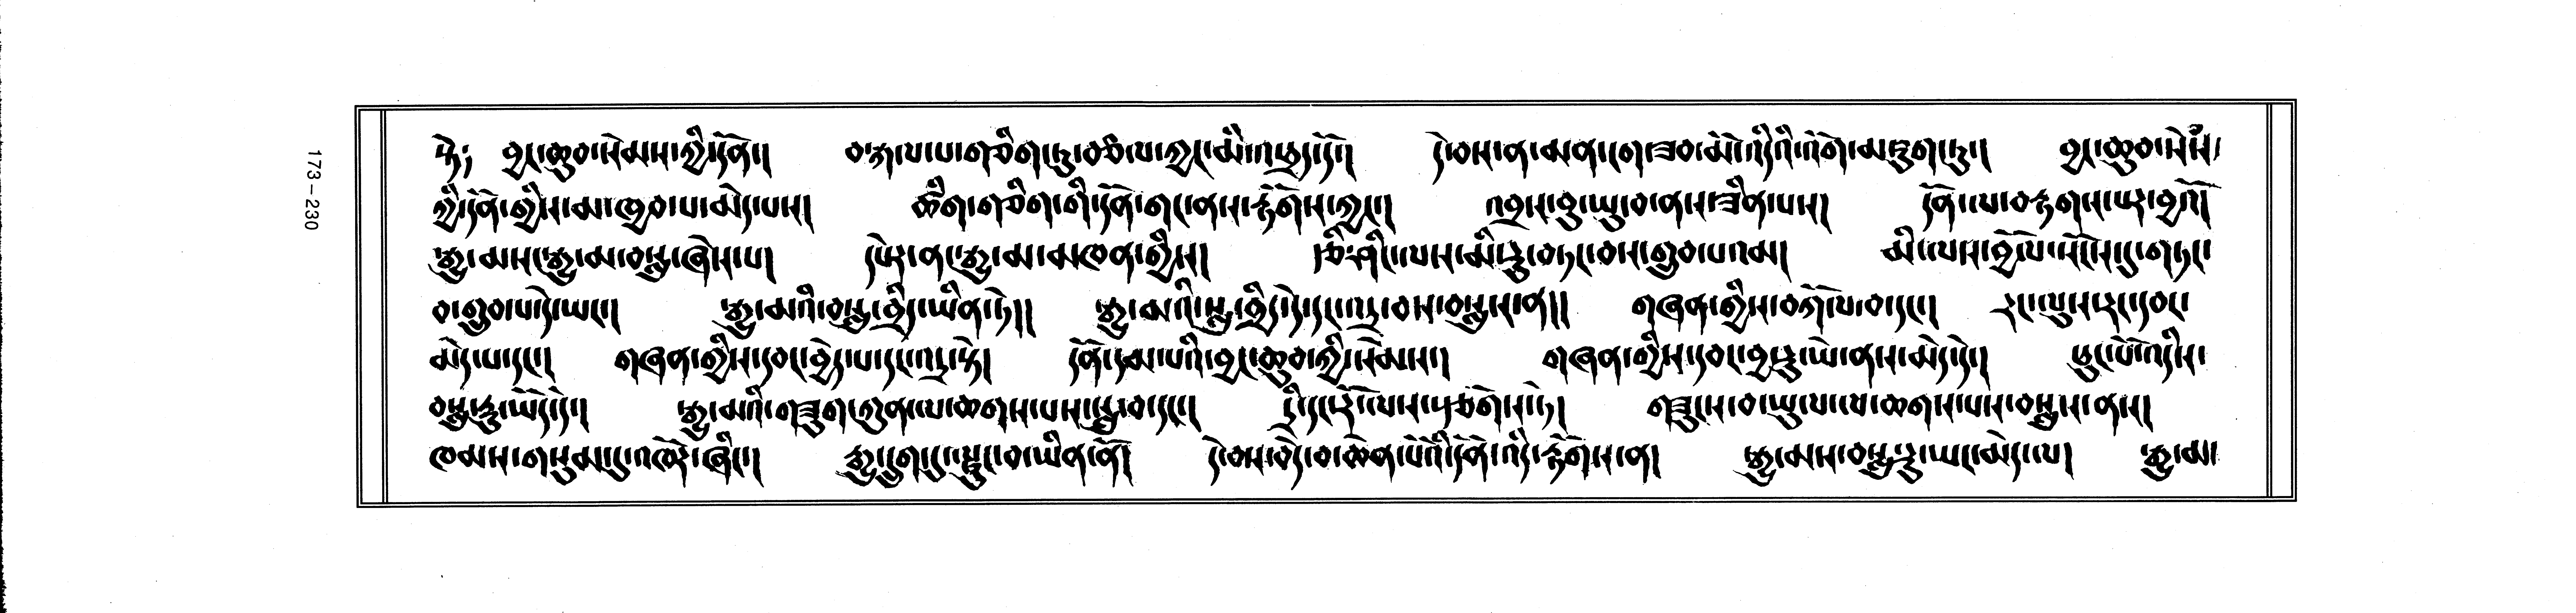སྟེ་བྱང་ཆུབ་སེམས་ཀྱི་དོན། བསྐལ་པ་གཅིག་ཏུ་བཙལ་ཀྱང་མི་འཕྲད་དོ། །དེ་བས་ན་མན་ངག་ཟབ་མོ་འདིའི་འོག་མཇུག་ཏུ། བྱང་ཆུབ་སེམས་
ཀྱི་དོན་གྱིས་མ་ཁྱབ་པ་མེད་པས། ཚིག་གཅིག་གི་དོན་གང་ནས་རྟོགས་ཀྱང་། འབྲས་བུ་ཡུ་བ་ནས་ཟིན་པས། དོན་ལ་བརྟག་པར་བྱའོ། །
སྒྱུ་མས་སྒྱུ་མ་བསླུ་ཞེས་པ། དཔེར་ན་སྒྱུ་མ་མཁན་གྱིས། རྩི་ཤིང་ལས་མི་རུ་བཏང་བས་གྲུབ་པའམ། མི་ལས་བྱོལ་སོང་དུ་བཏང་
བ་གྲུབ་པ་དེ་ཡང་། སྒྱུ་མའི་བསླུ་བྲིད་ཡིན་ཏེ། སྒྱུ་མའི་བསླུ་བྲིད་དེ་དང་འདྲ་བས་བསླུས་ན། གཞན་གྱིས་བཀོལ་བ་དང་། རང་ལུས་རང་དབང་
མེད་པ་དང་། གཞན་གྱིས་དབང་བྱེད་པ་དང་འདྲ་སྟེ། དོན་དམ་པའི་བྱང་ཆུབ་ཀྱི་སེམས། གཞན་གྱིས་དབང་བྱ་རུ་ཡེ་ནས་མེད་དེ། ཕུང་པོ་འདིས་
བསླུ་རུ་ཡོད་དེ། སྒྱུ་མའི་གཟུགས་ཀུན་ལ་ཆགས་པས་བསླུ་བ་དང་། དྲི་དང་རོ་ལ་རྩོགས་ཏེ། གཟུང་བ་ཡུལ་ལ་ཆགས་པས་བསླུས་ནས། 
ཁམས་གསུམ་དུ་འཁོར་ཞིང་། རྒྱུ་དྲུག་ཏུ་ལྟུང་བ་ཡིན་ནོ། །དེ་བས་བདེ་བ་ཆེན་པོའི་དོན་འདི་རྟོགས་ན། སྒྱུ་མས་བསླུ་རུ་ཡང་མེད་ལ། སྒྱུ་མ་